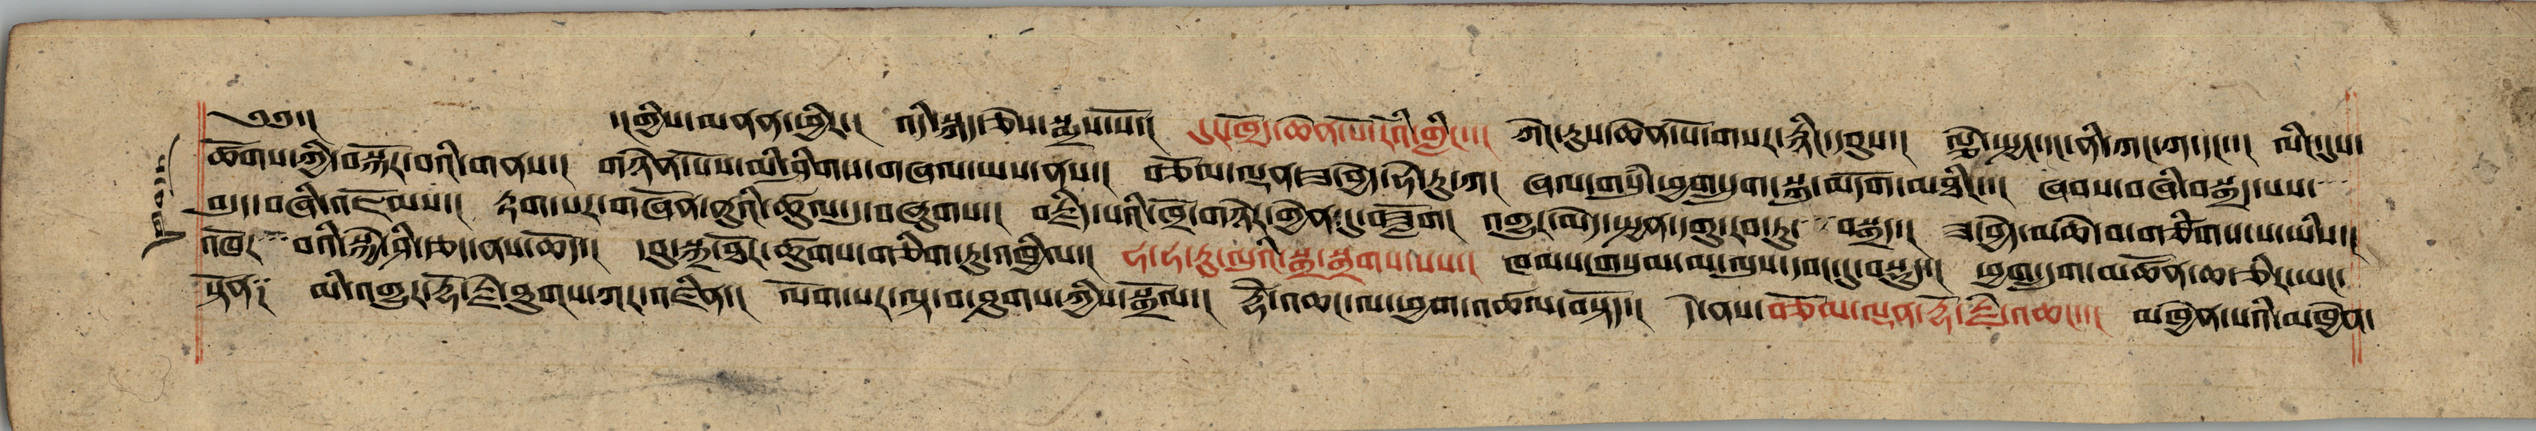༄༅་། ་།གྱིས་མནན་ཕྱིར་། འདི་སྐད་ཅེས་སྨྲས་སོ་། དུར་ཁྲོད་ཆེན་པོ་རོའི་གླིང་་། ཀེང་རུས་ཆེན་པོ་གསར་རྙིང་དབུས་། ལྕེ་སྤྱང་དང་ནི་ཀང་ཀ་དང་་། ལིང་དུས་
ཚོགས་ཀྱི་བསྐོར་བའི་གནས་། གཉེན་པོས་མི་ཤིགས་གཞལ་ཡས་ནས་། བཅོམ་ལྡན་ཟ་བྱེད་ཧེ་རུ་ཀ། ཞལ་གསུཾ་ཕྱག་དྲུག་སྐུ་མདོག་མཐིང་་། ཞབས་བཞི་བསྒྲད་པས་
བདུད་བཞི་འཇོམས་། རྟག་པར་གཞོན་ནུའི་ཚུལ་དུ་བཞུགས་། བརྗིད་པའི་ཁྲོ་གཉེར་གྱེན་དུ་བཟློག། འགྱུར་མེད་སྤྱན་དགུ་རབ་ཏུ་བསྒྲད་། ཟ་བྱེད་མཆེ་བ་གཙིགས་པ་ཡིས་།
འཁོར་ བའི་སྐྱེ་ཤི་རྩད་ནས་ཆོད་། དབུ་སྐྲ་ཐོར་ཚུགས་གཅིག་ཏུ་འཁྱིལ་། ཧ་ཧ་རུ་ལུའི་སྒྲ་སྒྲགས་པས་། ཁམས་གསུམ་མ་ལུས་དབང་དུ་བསྡུད་། ཕྱག་དྲུག་མཚོན་ཆ་ཅིར་ཡང་
སྟོན༑ མི་འགྱུར་རྡོ་རྗེ་ཐུགས་ཀར་འཛིན་། ལོག་པར་ལྟ་བ་ཤུགས་ཀྱིས་སྒྲོལ་། རྡོེ་འཆང་ལ་ཕྱག་འཚལ་བསྟོད་། དེ་ནས་བཅོམ་ལྡན་རྡོ་རྗེ་འཆང་་། མཁྱེན་པའི་མཁྱེན་